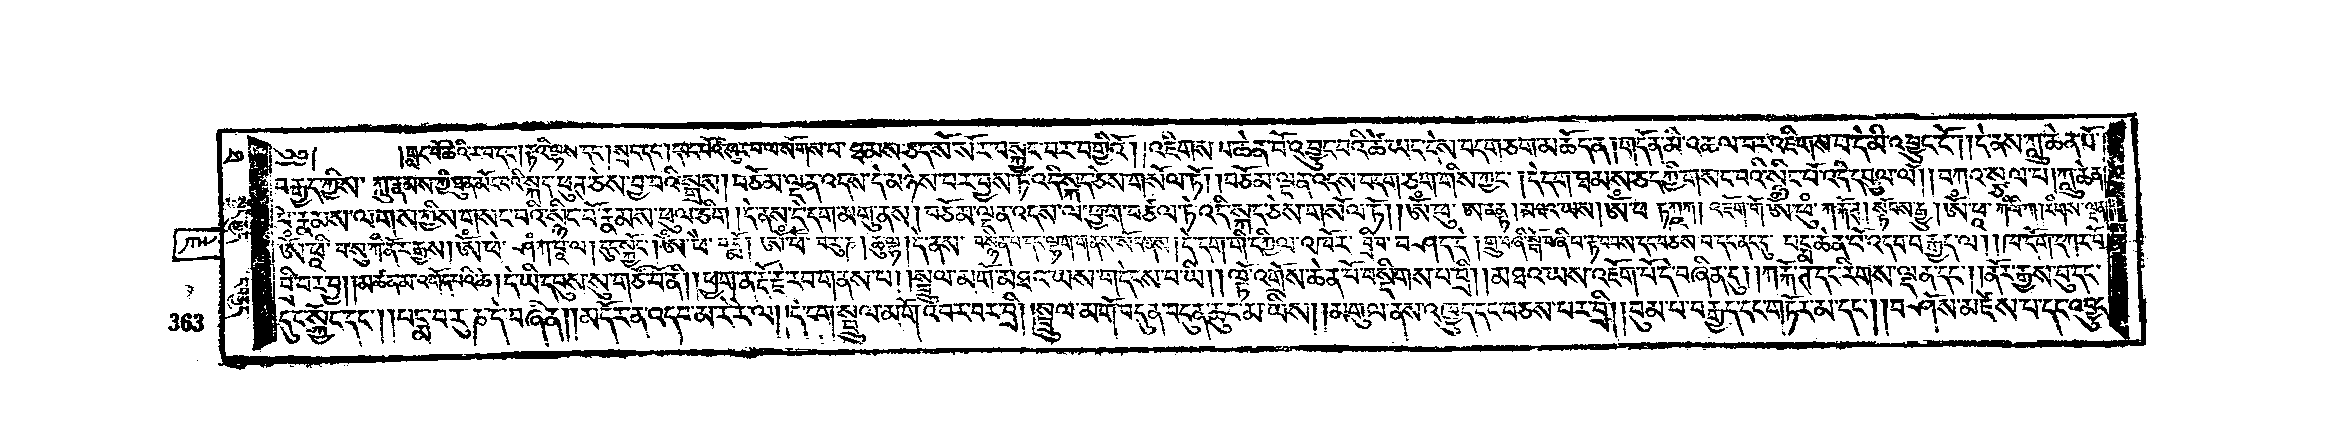༄༅། ། གླང་པོ་ཆེའི་ར་བ་དང་། རྟའི་ལྷས་དང་། སྲང་དང་། དབང་པོའི་ཕུར་པ་ལ་སོགས་པ་ཐམས་ཅད་སོ་སོར་བསྐྱང་བར་བགྱིའོ། །འཇིགས་པ་ཆེན་པོ་འབྱུང་བའི་ཚེ་ཡང་དེས་བདག་ཅག་མཆོད་ན། གདོན་མི་འཆལ་བར་འཇིགས་པ་དེ་མི་འབྱུང་ངོ། །དེ་ནས་ཀླུ་ཆེན་པོ་
བརྒྱད་ཀྱིས་ཀླུ་རྣམས་ཀྱི་ཐུན་མོང་བའི་སྐད་ཕཊ་ཅེས་བྱ་བའི་སྒྲས། བཅོམ་ལྡན་འདས་དེ་མཉེས་པར་བྱས་ཏེ་འདི་སྐད་ཅེས་གསོལ་ཏོ། །བཅོམ་ལྡན་འདས་བདག་ཅག་གིས་ཀྱང་། དེ་དག་ཐམས་ཅད་ཀྱི་གསང་བའི་སྙིང་པོ་འདི་དབུལ་ལོ། །བཀའ་སྩལ་པ། ཀླུ་ཆེན་
པོ་རྣམས་ལགས་ཀྱིས་གསང་བའི་སྙིང་པོ་རྣམས་ཕུལ་ཅིག །དེ་ནས་དེ་དག་མགུ་ནས། བཅོམ་ལྡན་འདས་ལ་ཕྱག་བཙལ་ཏེ་འདི་སྐད་ཅེས་གསོལ་ཏོ། །ཨོཾ་ཕུ་ཨ་ནྣྟ། མཐའ་ཡས། ཨོཾ་ཕ་ཏཀྵྐ། འཇོག་གོ་ཨོཾ་ཕུཾ་ཀ་རྐོ་ཊ། སྟོབས་རྒྱུ། ཨོཾ་ཕཱ་ཀི་ལི་ཀ། རིགས་ལྡན་
ཨོཾ་ཕཱི་བ་སུ་ཀི་ནོར་རྒྱས། ཨོཾ་ཕེ་ཤཾ་ཀ་པཱ་ལ། དུང་སྐྱོང་། ཨོཾ་ཕཻ་པདམོ། ཨོཾ་ཕཽ་བ་རུ་ཎ། ཆུ་ལྷ། དེ་ནས་བསྙེན་པ་དང་ལྷག་གནས་སོང་ནས།  དེ་དག་གི་དཀྱིལ་འཁོར་བྲི་བ་བཤད་དེ། གྲུ་བཞི་སྒོ་བཞི་པ་རྟ་བབས་དང་བཅས་པ་དང་ནང་དུ་པདམ་ཆེན་པོ་འདབ་བརྒྱད་ལ། །ཁ་དོག་དཀར་པོ་
བྲི་བར་བྱ། ། མཚན་མ་འགོད་པའི་ཚེ།  དེ་ཡི་དབུས་སུ་གཙོ་བོ་ནི། །ཕྱག་ན་རྡོ་རྗེ་རབ་གནས་པ། །སྦྲུལ་མགོ་མཐའ་ཡས་གདེངས་པ་ཡི། །ལྟོ་འགྲོས་ཆེན་པོ་བསྡིགས་པ་བྲི། །མཐའ་ཡས་འཇོག་པོ་དེ་བཞིན་དུ། །ཀ་རྐོ་ཊ་དང་རིགས་ལྡན་དང་། །ནོར་རྒྱས་བུ་དང་
དུང་སྐྱོང་དང་། །པདམ་བ་རུ་ཎ་དེ་བཞིན། །མདོར་ན་འདབ་མ་རེ་རེ་ལ། །དེ་དག་སྦྲུལ་མ་གོ་འབར་དང་བྲི། །སྦྲུལ་མགོ་བདུན་བདུན་ཆུང་མ་ཡིས། །མགུལ་ནས་འཁྱུད་དང་བཅས་པར་བྲི། །བུམ་པ་བརྒྱད་དང་གཏོར་མ་དང་། །བཤོས་མཛེས་པ་དང་འབྱུང་